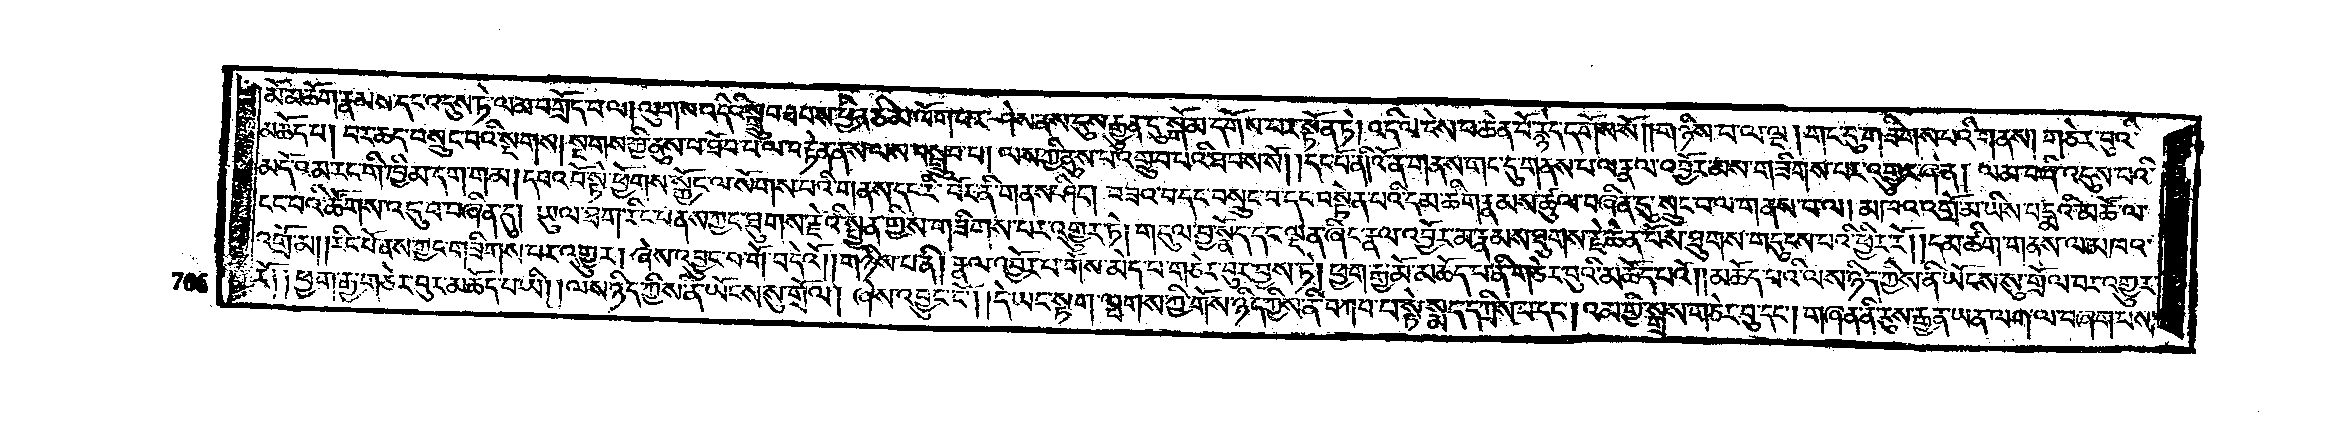མོ་མཆོག་རྣམས་དང་འདུས་ཏེ་ལམ་བགྲོད་བ་ལ། ལུགས་འདིའི་སྒྲུབ་ཐབས་ཕྱིན་ཅི་མ་ལོག་པར་ཤེས་ནས་དུས་རྒྱུན་དུ་སྒོམ་དགོས་པར་སྟོན་ཏེ། འདི་ལ་ངེས་པ་ཆེན་པོ་རྙེད་དགོས་སོ། །གཉིས་བ་ལ་ལྔ། གང་དུ་གཟིགས་པའི་གནས། གཅེར་བུའི་
མཆོད་པ། བར་ཆད་བསྲུང་བའི་སྔགས། སྔགས་ཀྱི་ནུས་པ་ཐོབ་པ་ལ་བརྟེན་ནས་ལས་བསྒྲུབ་པ། ལས་ཀྱི་ནུས་པ་འགྲུབ་པའི་ཐབས་སོ། །དང་པོ་ནི། འོ་ན་གནས་གང་དུ་གནས་པ་ལ་རྣལ་འབྱོར་མས་གཟིགས་པར་འགྱུར་ཞེ་ན། ལམ་བཞི་འདུས་བའི་
མདོ་འམ་རང་གི་ཁྱིམ་དག་གམ། དཔའ་བོ་སྟེ་ཕྱོགས་སྐྱོང་ལ་སོགས་པའི་གནས་དང་རི་བོར་ནི་གནས་ཤིང་། བཟའ་བ་དང་བསྲུང་བ་དང་བསྟེན་པའི་དམ་ཚིག་རྣམས་ཚུལ་བཞིན་དུ་སྲུང་བ་ལ་གནས་པ་ལ། མཁའ་འགྲོ་མ་ཡིས་པདམའི་མཚོ་ལ་
ངང་པའི་ཚོགས་འདུ་བ་བཞིན་དུ། ཡུལ་ཐག་རིང་པོ་ནས་ཀྱང་ཐུགས་རྗེའི་སྤྱན་གྱིས་གཟིགས་པར་འགྱུར་ཏེ། གདུལ་བྱ་སྣོད་དང་ལྡན་ཞིང་རྣལ་འབྱོར་མ་རྣམས་ཐུགས་རྗེ་ཆེན་པོས་ཐུགས་གདུངས་པའི་ཕྱིར་རོ། །དམ་ཚིག་གནས་ལ་མཁའ་
འགྲོ་མ། །རིང་པོ་ནས་ཀྱང་གཟིགས་པར་འགྱུར། ཞེས་འབྱུང་བ་གོ་བདེའོ། །གཉིས་པ་ནི། རྣལ་འབྱོར་པ་གོས་མེད་པ་གཅེར་བུར་བྱས་ཏེ། ཕྱག་རྒྱ་མོ་མཆོད་པ་ནི་གཅེར་བུའི་མཆོད་པའོ། །མཆོད་པའི་ལས་ཉིད་ཀྱིས་ནི་ཡོངས་སུ་གྲོལ་བར་འགྱུར་
རོ། །ཕྱག་རྒྱ་གཅེར་བུར་མཆོད་པ་ཡི། །ལས་ཉིད་ཀྱིས་ནི་ཡོངས་སུ་གྲོལ། ཞེས་འབྱུང་ངོ། །དེ་ཡང་སྟག་ལྤགས་ཀྱི་གོས་ཉིད་ཀྱིས་ནི་བཀབ་པ་སྟེ་སྨད་དཀྲིས་པ་དང་། འམ་གྱི་སྒྲས་གཅེར་བུ་དང་། གཞན་ནི་རུས་རྒྱན་ཡན་ལག་ལག་ལ་བཞག་པས།